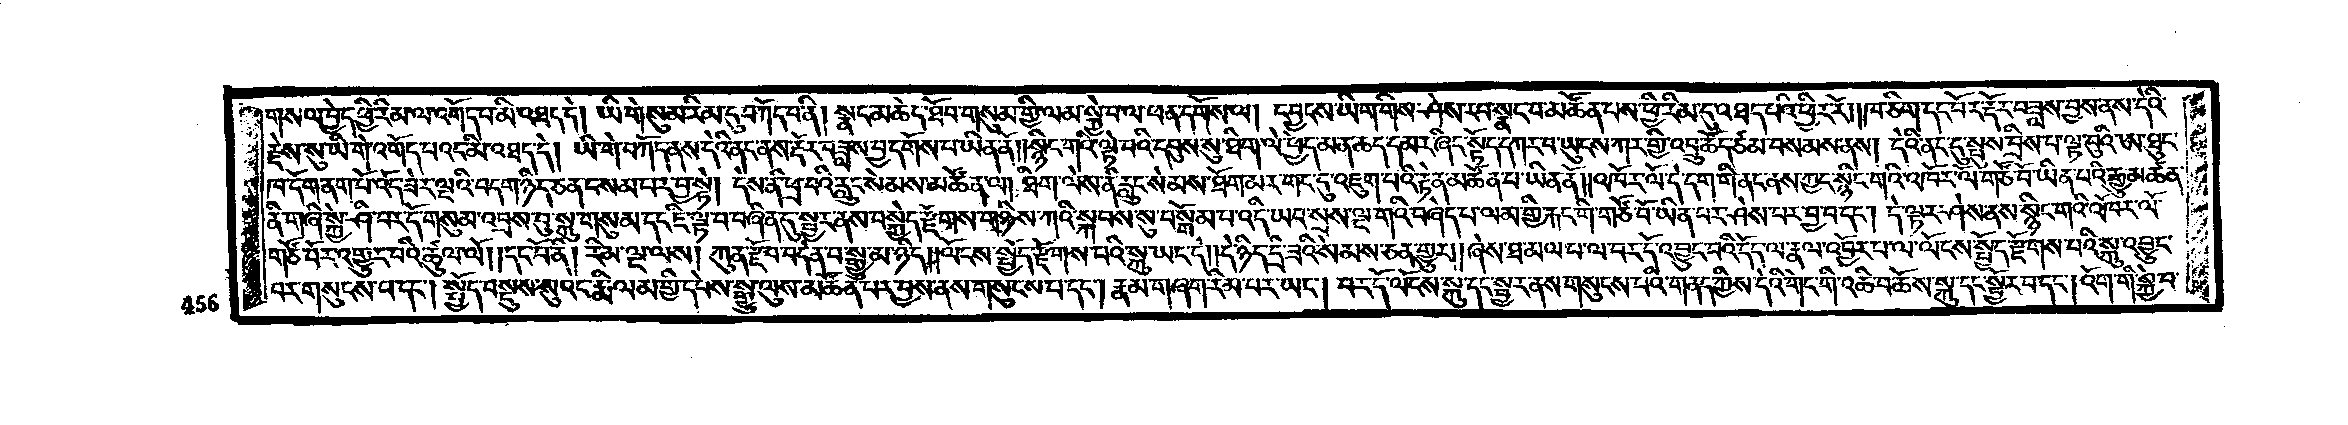གསལ་བྱེད་ཕྱི་རིམ་ལ་འགོད་པ་མི་འཐད་དེ། ཡི་གེ་སུམ་རིམ་དུ་བཀོད་པ་ནི། སྣང་མཆེད་ཐོབ་གསུམ་གྱི་ལམ་སྐྱེ་བ་ལ་ཕན་དགོས་ལ། དབྱངས་ཡིག་གིས་ཤེས་རབ་སྣང་བ་མཚོན་པས་ཕྱི་རིམ་དུ་འཐད་པའི་ཕྱིར་རོ། །ཁ་ཅིག་དང་པོར་རྡོར་བཟླས་བྱས་ནས་དེའི་
རྗེས་སུ་ཡི་གེ་འགོད་པའང་མི་འཐད་དེ། ཡི་གེ་བཀོད་ནས་དེའི་ནང་ནས་རྡོར་བཟླས་བྱ་དགོས་པ་ཡིན་ནོ། །སྙིང་གའི་ལྟེ་བའི་དབུས་སུ་ཐིག་ལེ་ཕྱེད་མན་ཆད་དམར་ཞིང་སྟོད་དཀར་བ་ཡུངས་ཀར་གྱི་འབྲུ་ཚོད་ཙམ་བསམས་ནས། དེའི་ནང་དུ་སྤུས་བྲིས་པ་ལྟ་བུའི་ཨ་ཐུང་
ཁ་དོག་ནག་པོ་འོད་ཟེར་ལྔའི་བདག་ཉིད་ཅན་བསམ་པར་བྱ་སྟེ། དེས་ནི་ཕྲ་བའི་རླུང་སེམས་མཚོན་ལ། ཐིག་ལེས་ནི་རླུང་སེམས་ཐོག་མར་གང་དུ་འཇུག་པའི་རྟེན་མཚོན་པ་ཡིན་ནོ། །འཁོར་ལོ་དེ་དག་གི་ནང་ནས་ཀྱང་སྙིང་གའི་འཁོར་ལོ་གཙོ་བོ་ཡིན་པའི་རྒྱུ་མཚན་
ནི་གཞི་སྐྱེ་ཤི་བར་དོ་གསུམ་འབྲས་བུ་སྐུ་གསུམ་དང་ཇི་ལྟ་བ་བཞིན་དུ་སྦྱར་ནས་བསྐྱེད་རྫོགས་གཉིས་ཀའི་སྐབས་སུ་བསྒོམ་པ་འདི་ཡབ་སྲས་ལྔ་གའི་བཞེད་པ་ལམ་གྱི་རྐང་གི་གཙོ་བོ་ཡིན་པར་ཤེས་པར་བྱ་བ་དང་། དེ་ལྟར་ཤེས་ནས་སྙིང་གའི་འཁོར་ལོ་
གཙོ་བོར་འགྱུར་བའི་ཚུལ་ལོ། །དང་པོ་ནི། རིམ་ལྔ་ལས། ཀུན་རྫོབ་བདེན་པ་སྒྱུ་མ་ཉིད། །ལོངས་སྤྱོད་རྫོགས་པའི་སྐུ་ཡང་དེ། །དེ་ཉིད་དྲི་ཟའི་སེམས་ཅན་གྱུར། །ཞེས་ཐ་མལ་པ་ལ་བར་དོ་འབྱུང་བའི་དོད་ལ་རྣལ་འབྱོར་པ་ལ་ལོངས་སྤྱོད་རྫོགས་པའི་སྐུ་འབྱུང་
བར་གསུངས་པ་དང་། སྤྱོད་བསྡུས་སུའང་རྨི་ལམ་གྱི་དཔེས་སྒྱུ་ལུས་མཚོན་པར་བྱས་ནས་གསུངས་པ་དང་། རྣམ་གཞག་རིམ་པར་ཡང་། བར་དོ་ལོངས་སྐུ་དང་སྦྱར་ནས་གསུངས་པའི་གནད་ཀྱིས་དེའི་གོང་གི་འཆི་བ་ཆོས་སྐུ་དང་སྦྱོར་བ་དང་། འོག་གི་སྐྱེ་བ་